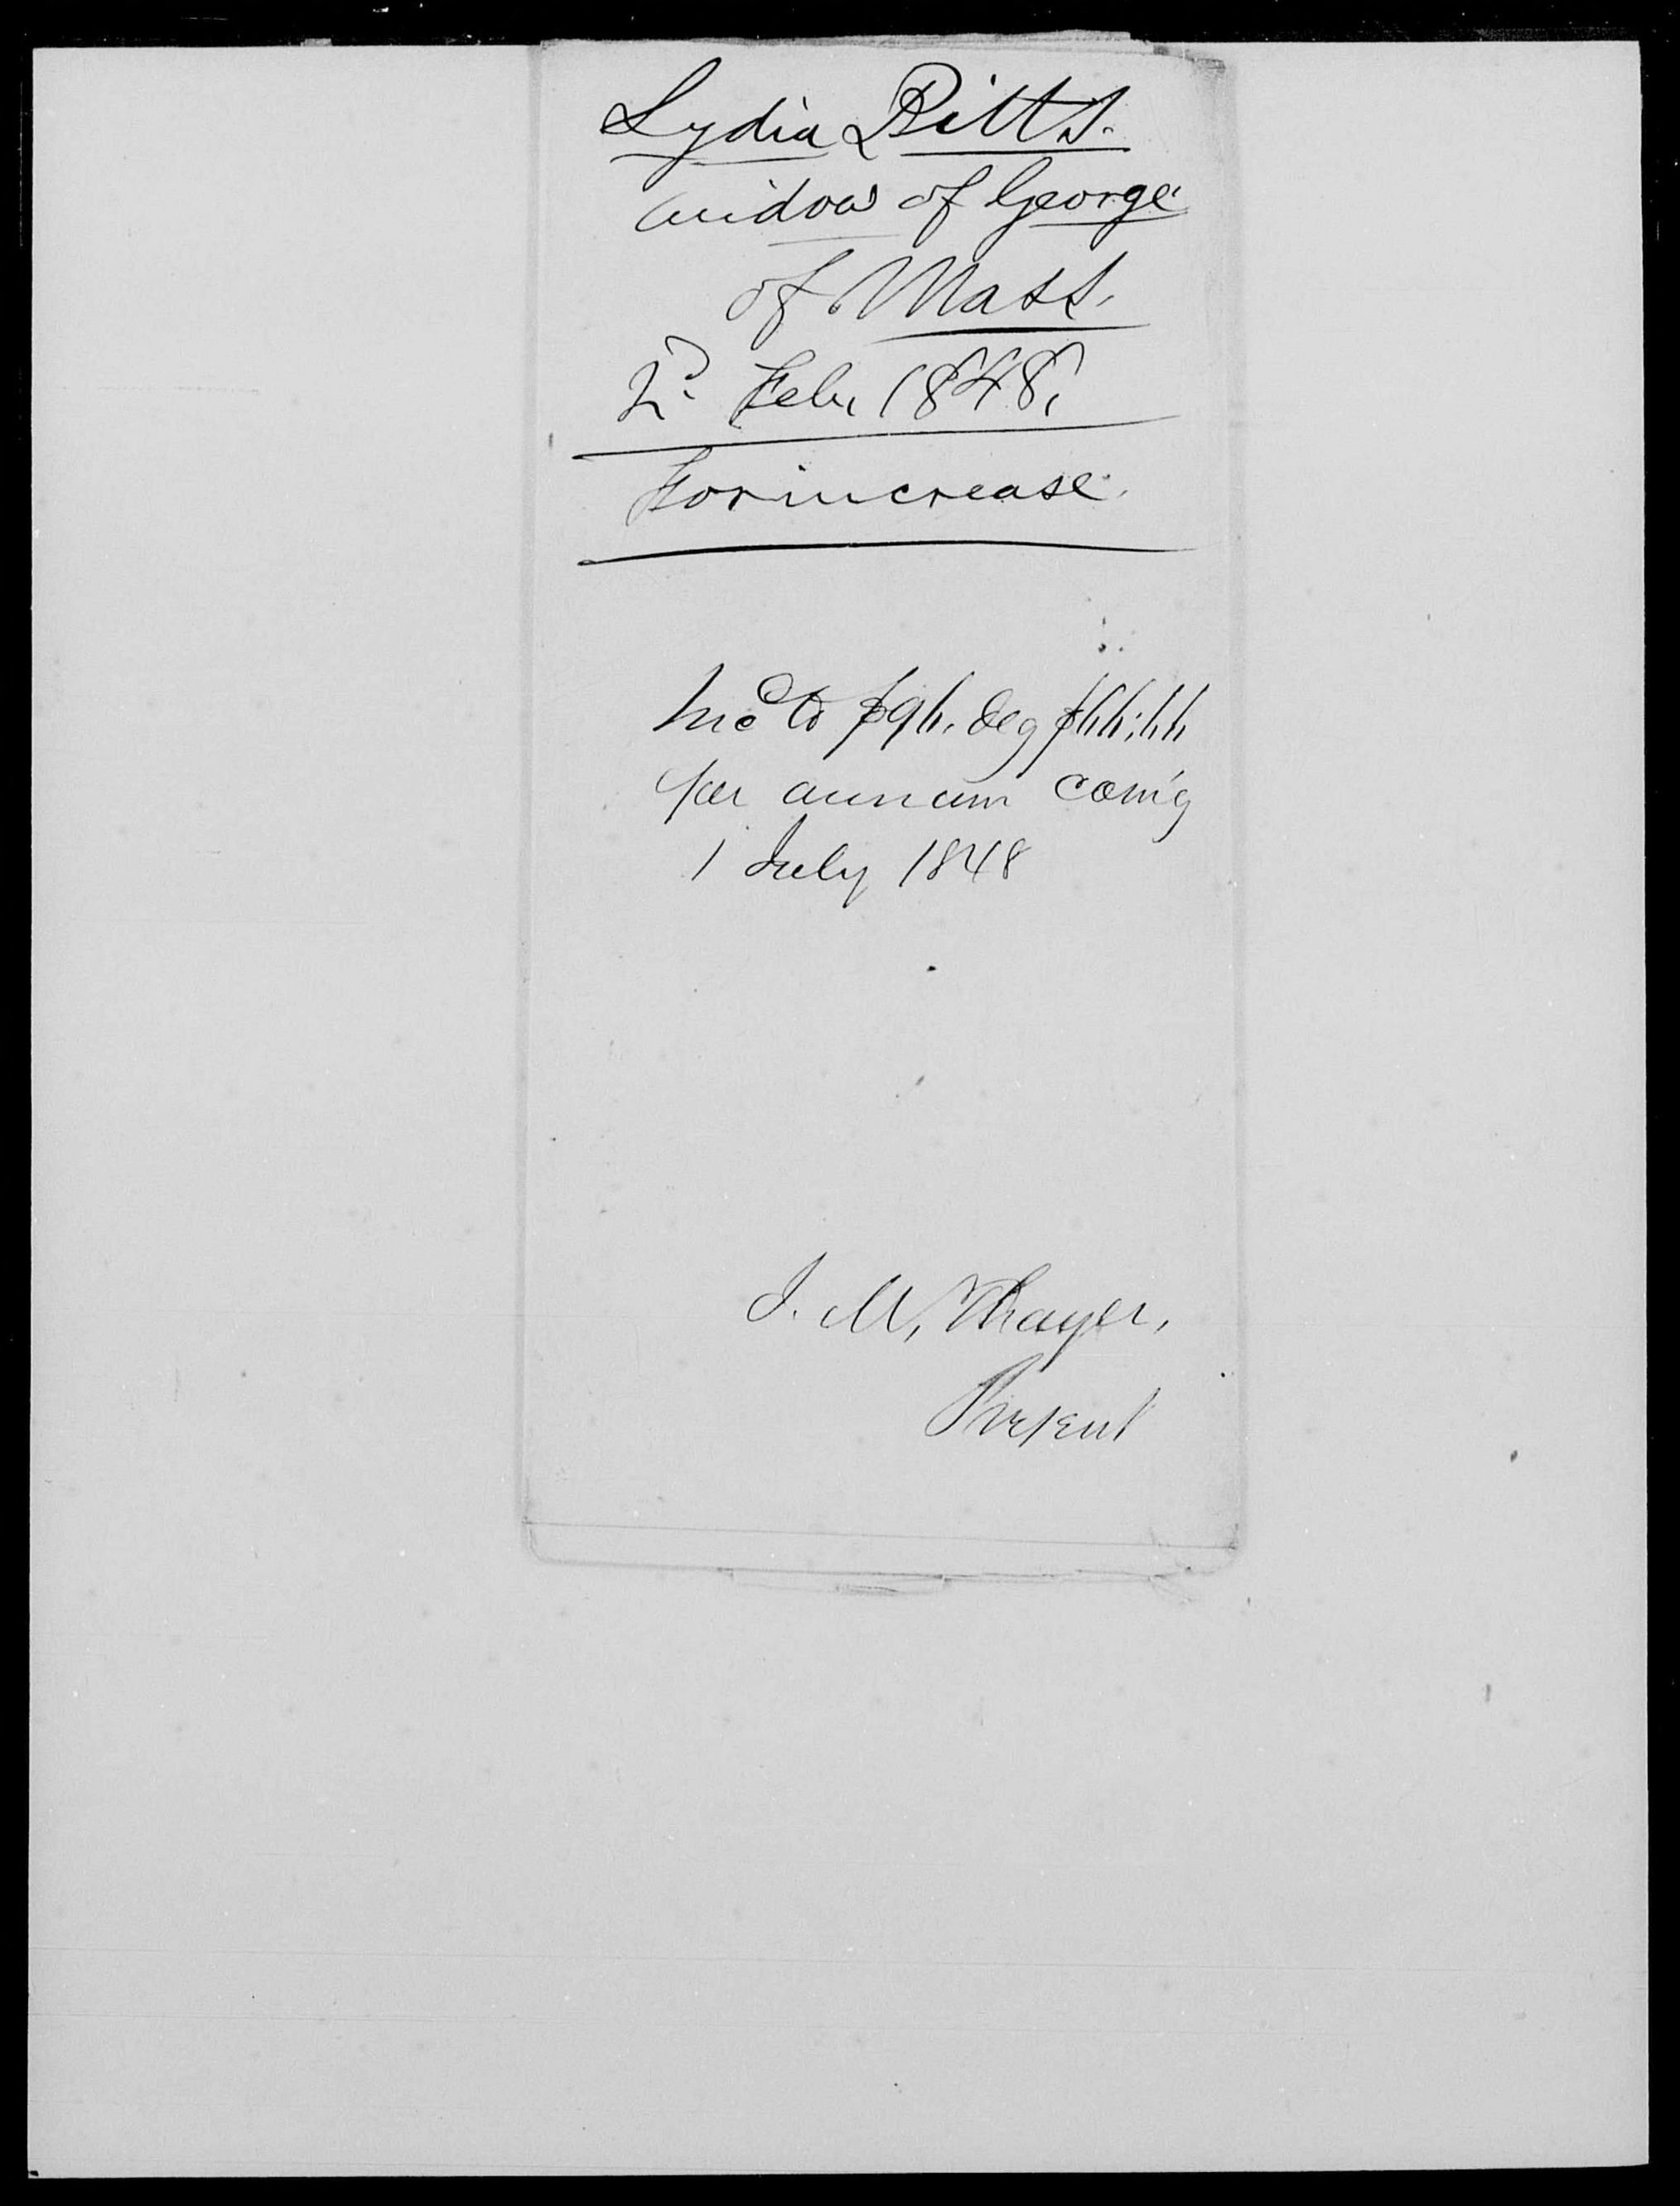Lydia Pitts
Widow of George of Mass.
2 Feb 1848,
For increase:
Inc to $96, deg $66.66
per annum commencing
1 July 1848
J. M. Thayer
Present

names: J M Thayer; Lydia Pitts; George Pitts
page: 46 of 54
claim: widow's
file: W. 26,897, for George Pitts, Massachusetts